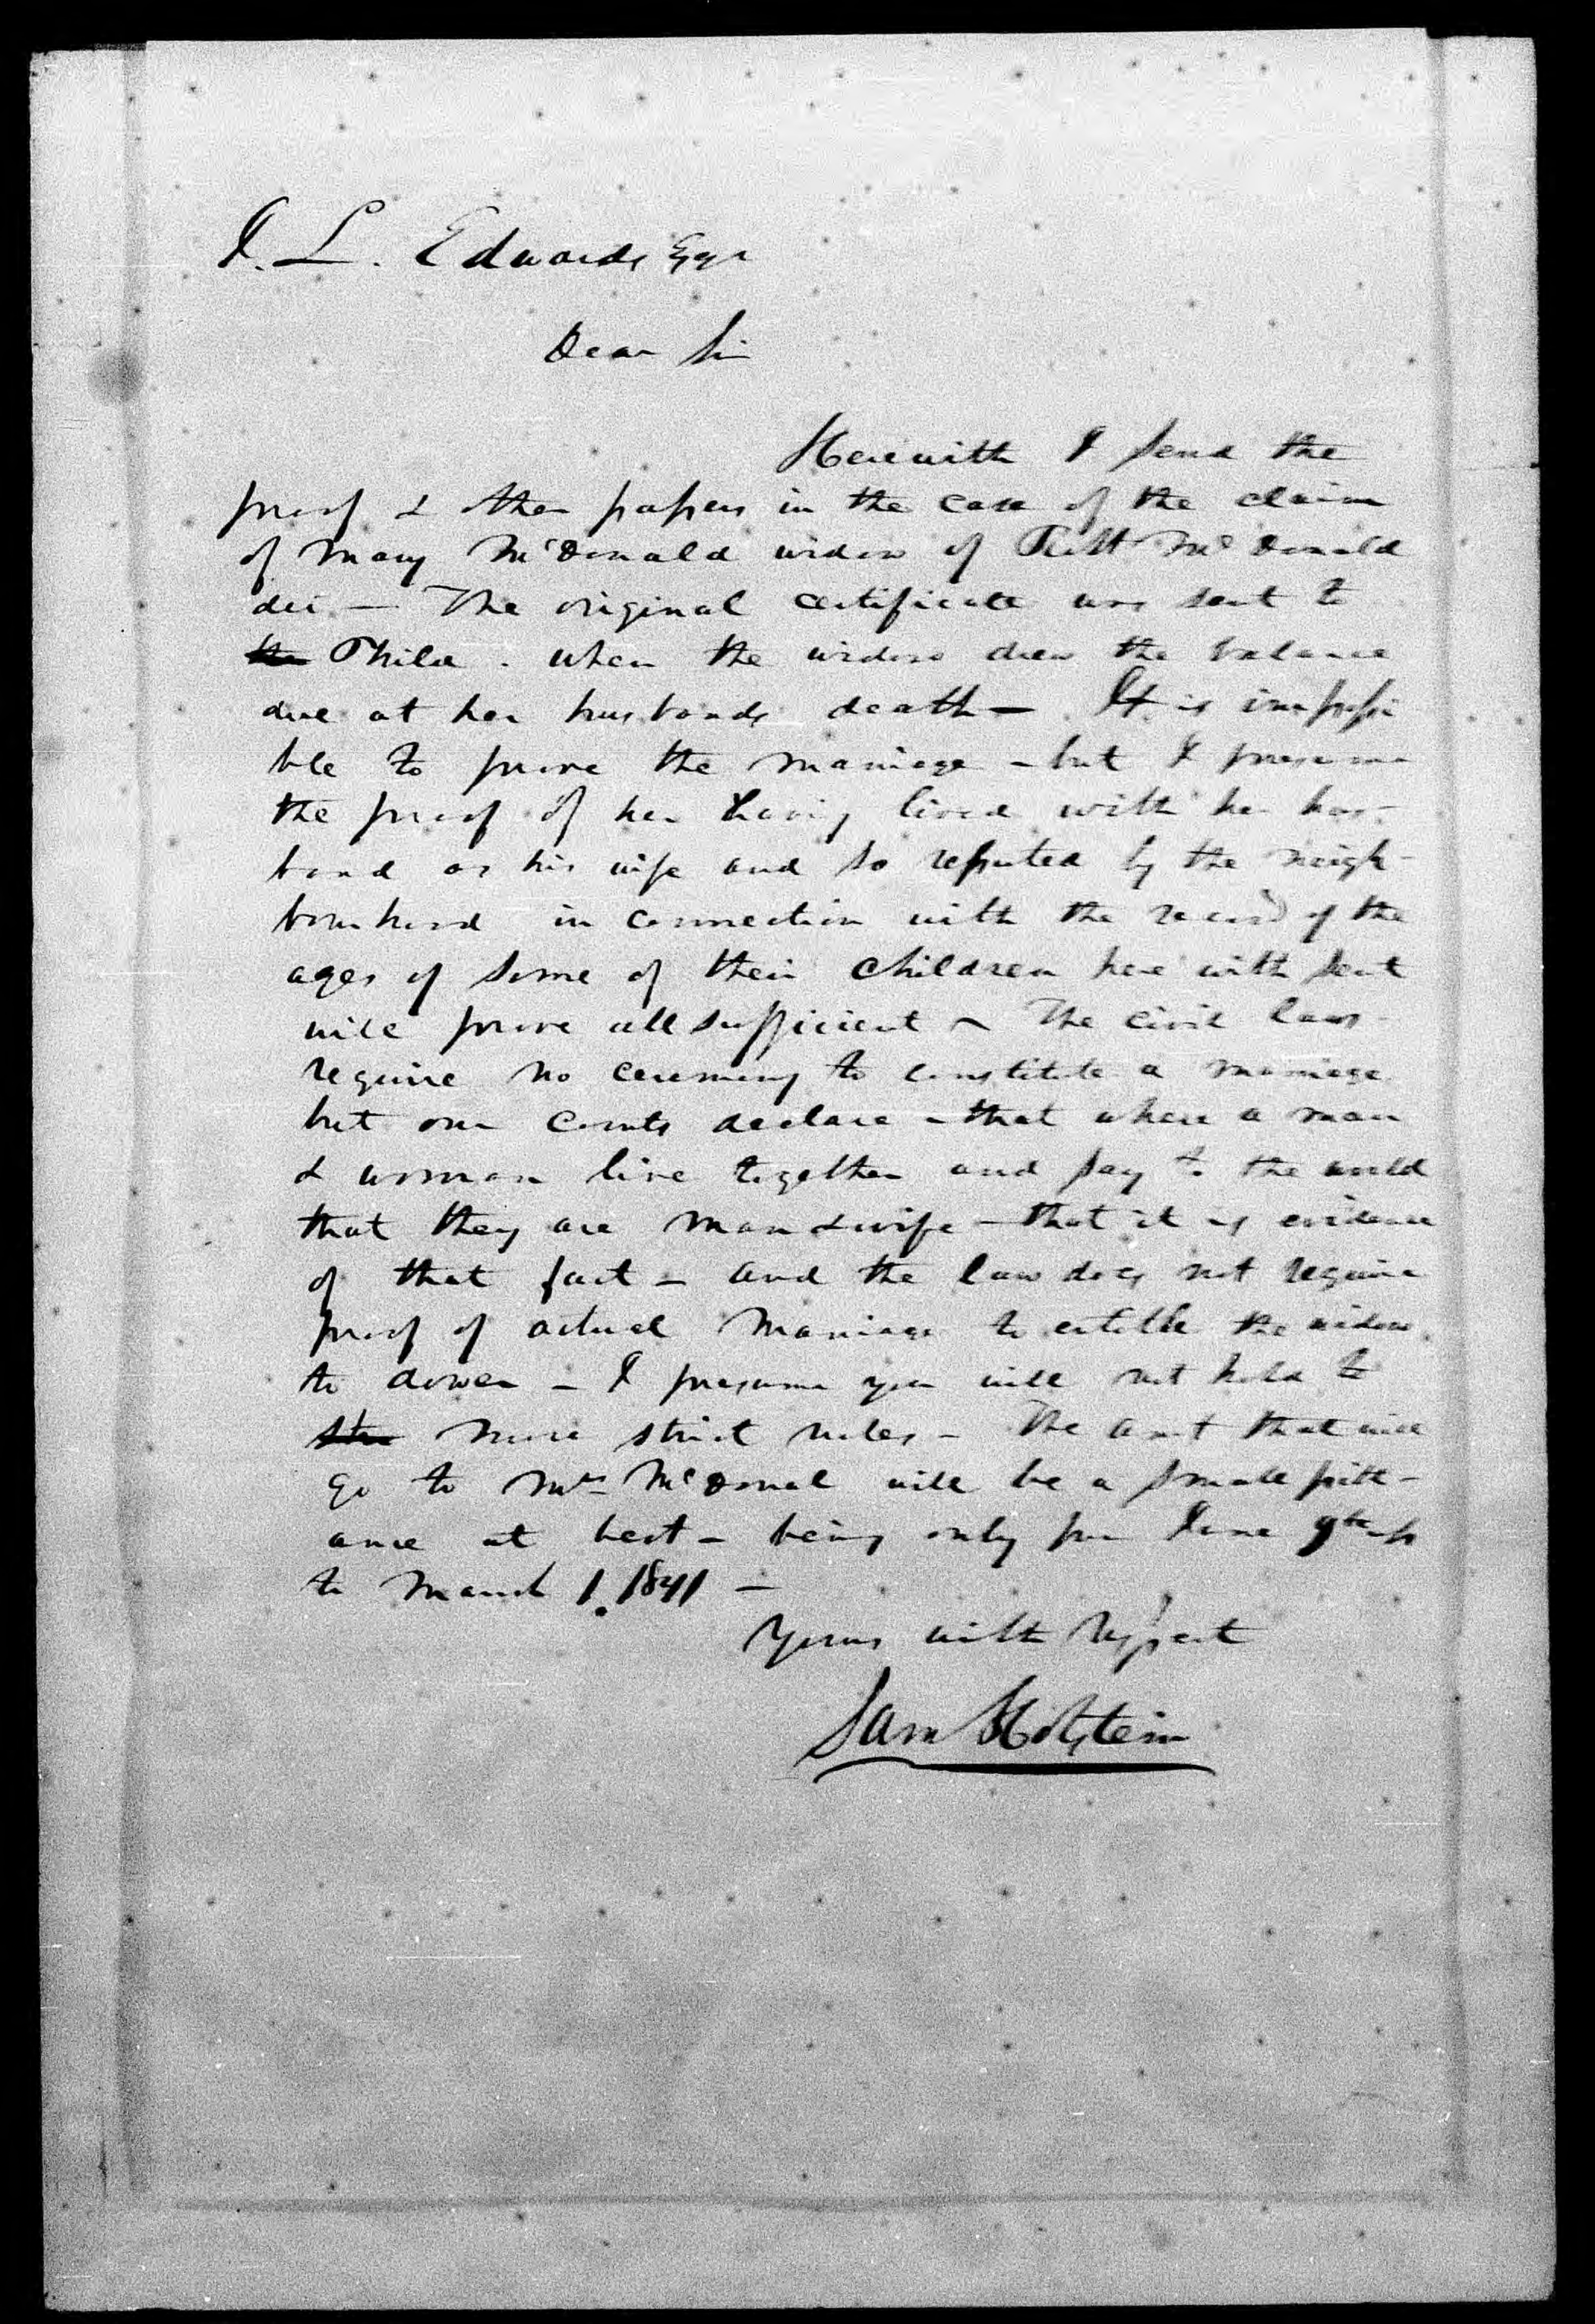J.L Edwards esq
Dear Sir
Herewith I send the proof and the papers in the case of the claim of Mary McDonald widow of Robert McDonald deceased The original certificate was sent to Philadelphia when the widow drew the balance at her husbands death. It is impossible to prove the marriage but I propose the proof of her having lived with her husband as his wife and so reputed by the neighborhood in connection with the record of the ages of some of their children here with sent might prove all sufficient. The civil law require no ceremony to constitute a marriage but one courts declare that where a man and woman live together and say to the world they are man and wife that it is evidence of that fact and the law doth not require proof of actual marriage to entitle the widow to answer. I presume you will not hold to more strict rules. No amount that will go to Mrs McDonald will be small (unreadable) at best being only for June 9th to March 1 1841
Yours with respect Sam H Coltesin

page: 50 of 59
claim: widow's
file: W 3703, for Robert Mc Donald, Pennsylvania